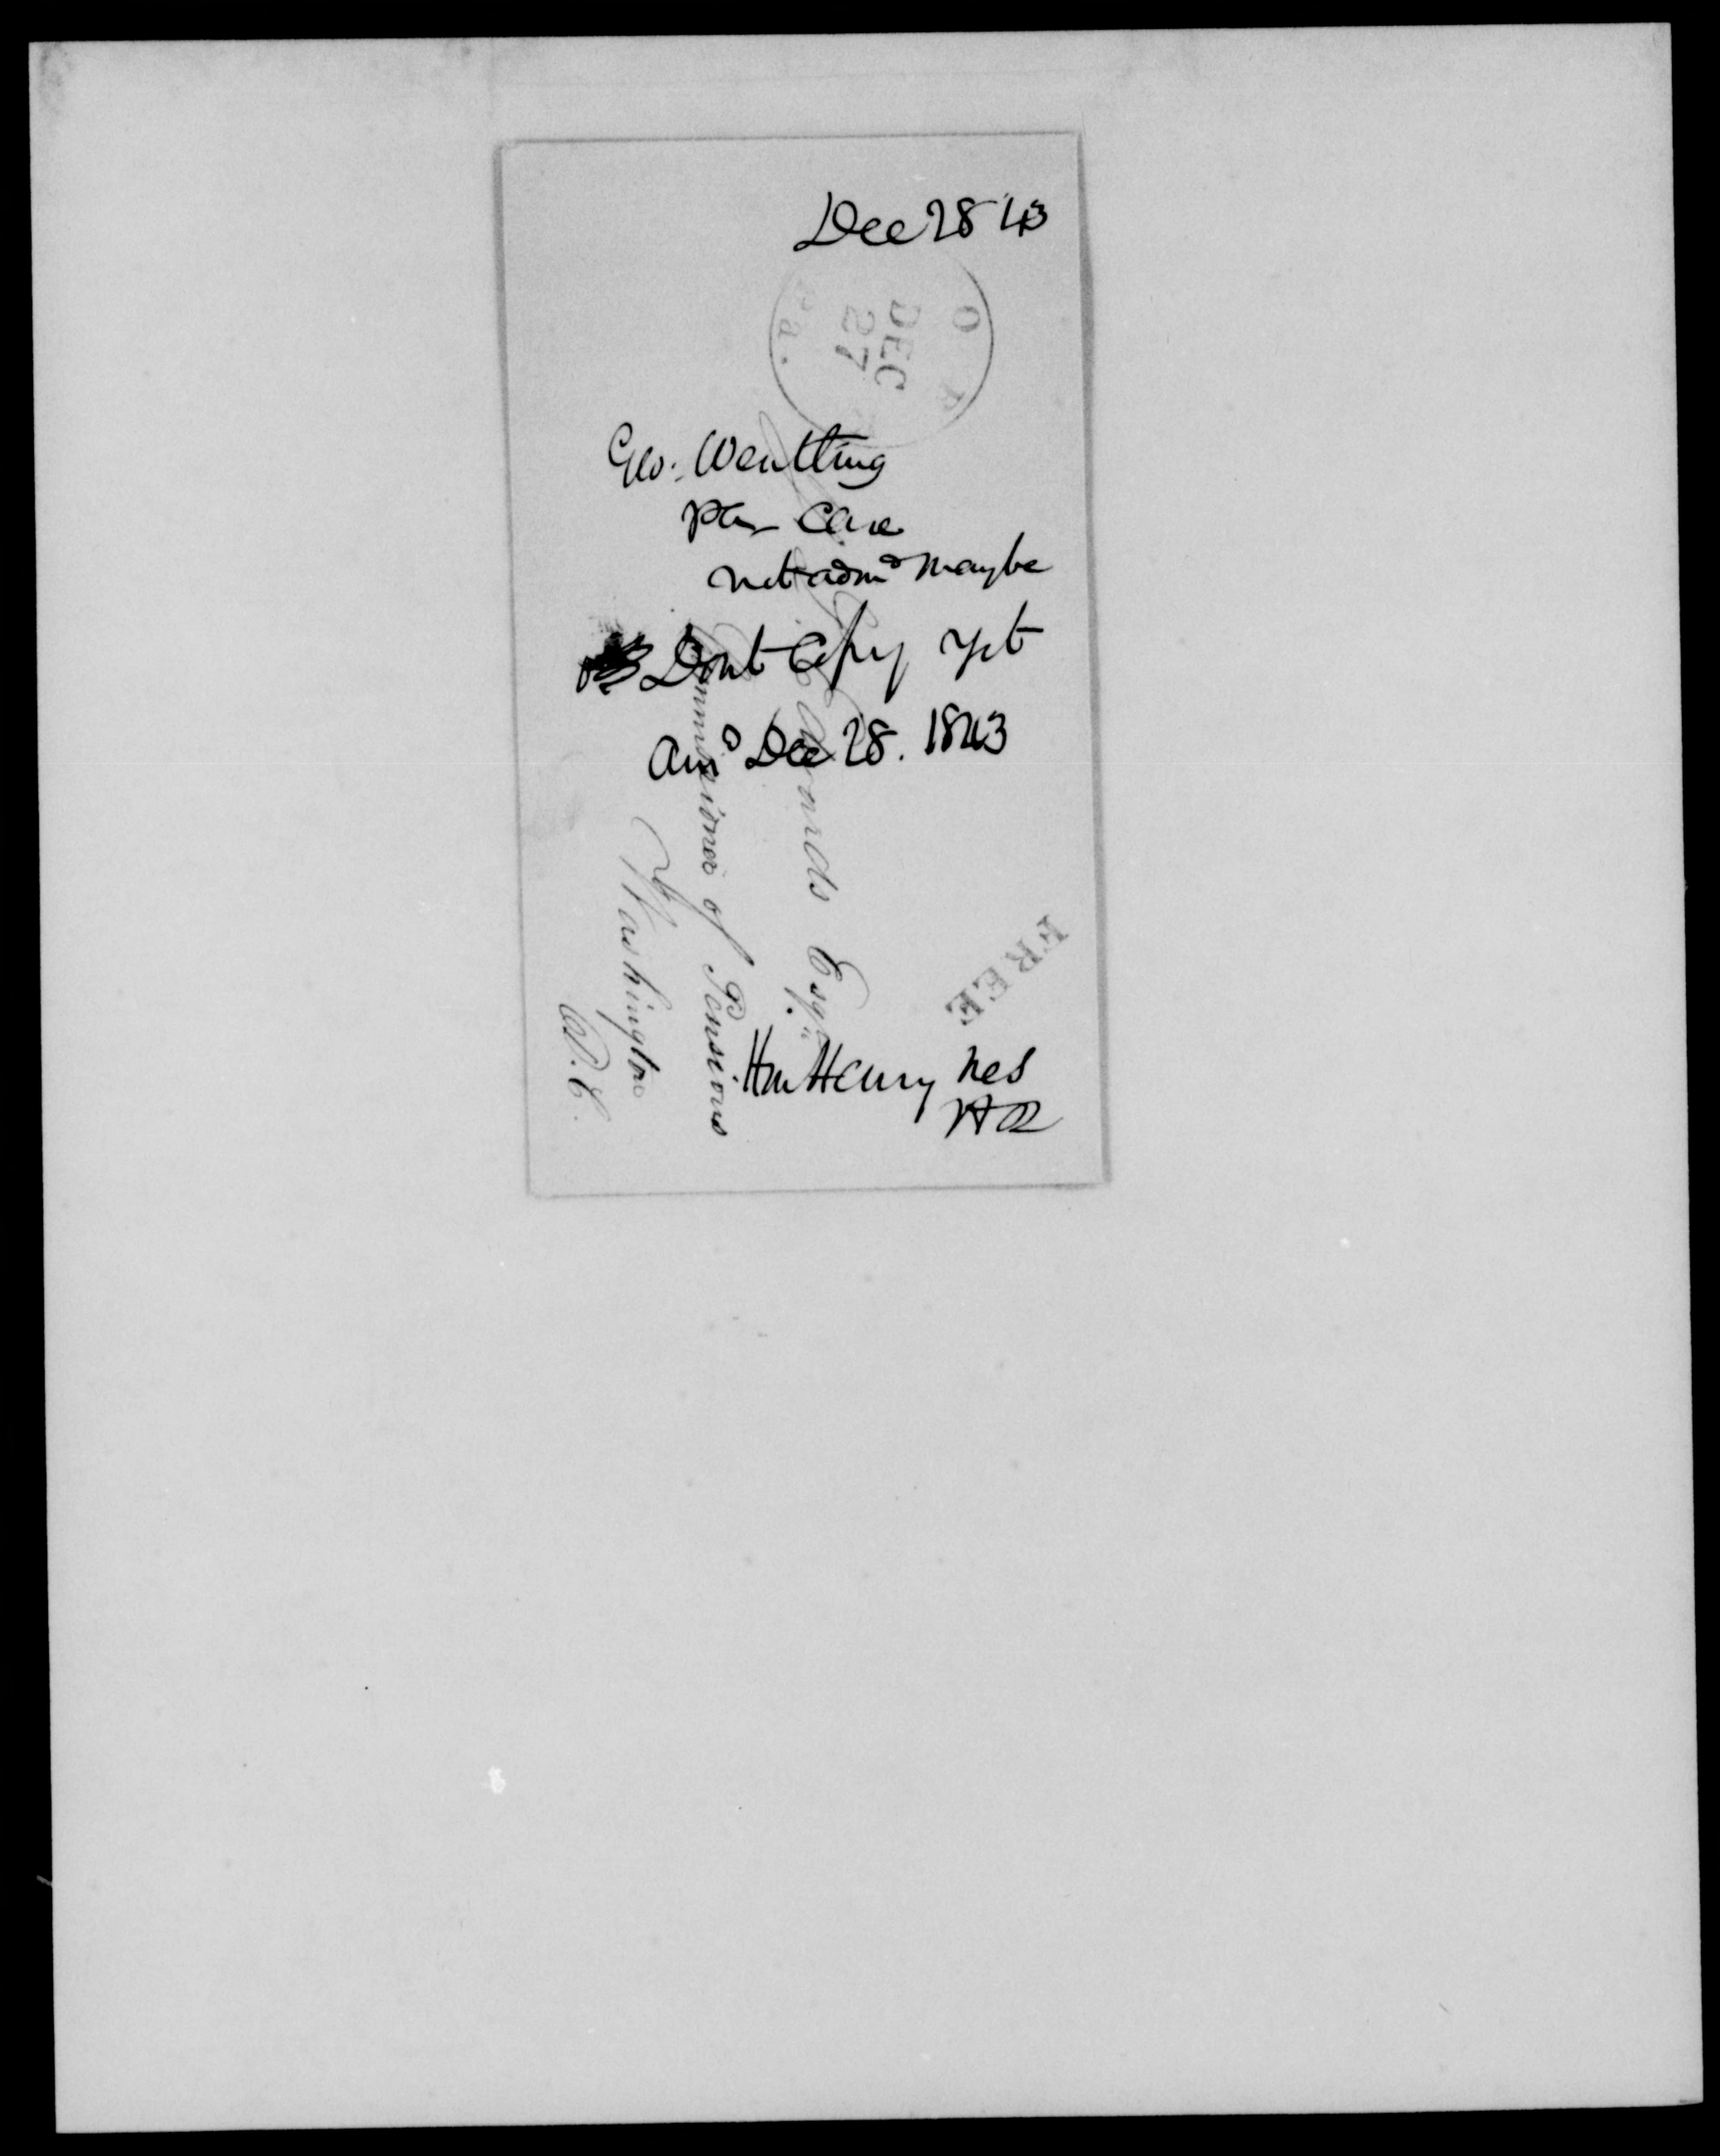Dec 28 '43

[Stamp { OB Pa.  DEC 27}]

Geo. Wentling
pen case
not adm & maybe

Don't copy yet
and Dec. 28. 1843

Hon Henry Nes
AD

[Written vertically]

J. L. Edwards Esqr.
Commissioner of Pensions
Washington
D.C.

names: Geo Wentling, Henry Nes, J L Edwards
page: 19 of 68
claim: survivor's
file: S. 6,358, George Wentling, Penn.